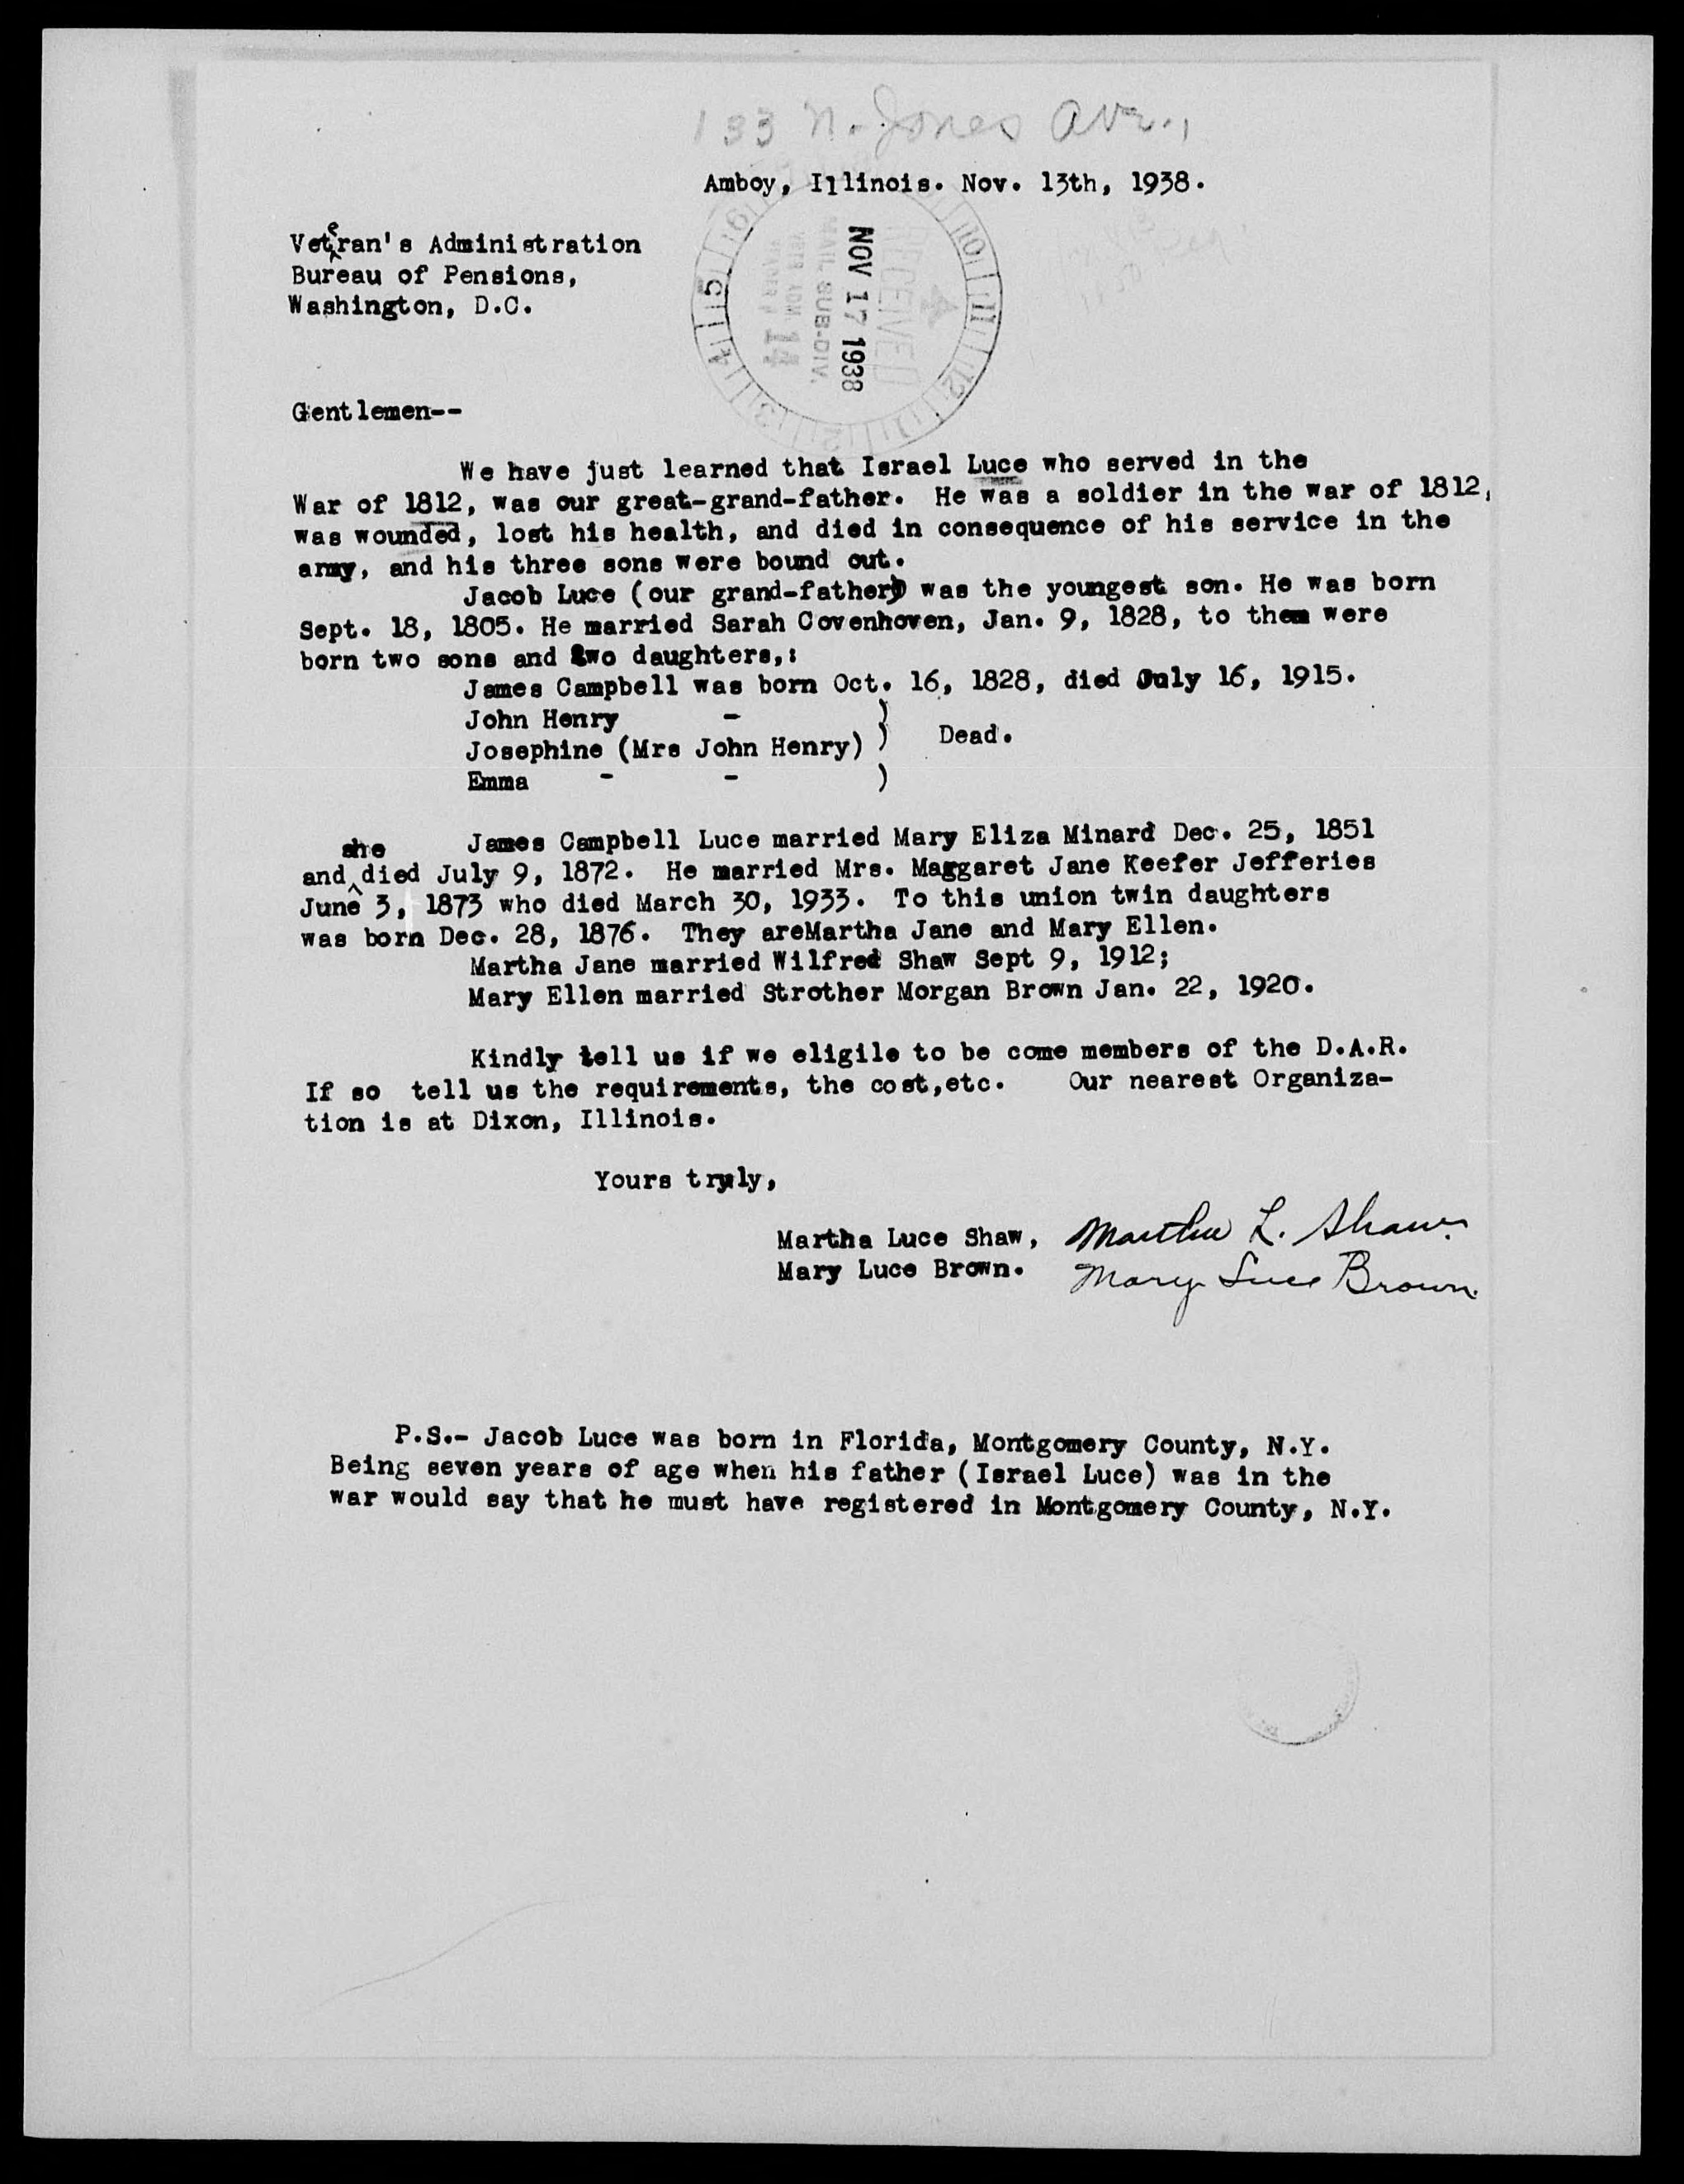133 N. Jones Avon
Amboy, Illinois. Nov. 13th, 1938.

Veteran's Administration
Bureau of Pensions,
Washington, D.C.

Gentlemen--

We have just learned that Israel Luce who served in the War of 1812, was our great-grand-father.  He was a soldier in the War of 1812, was wounded, lost his health, and died in consequence of his service in the army, and his three sons were bound out.

Jacob Luce (our grand-father) was the youngest son.  He was born Sept. 18, 1805.  He married Sara Covenhoven, Jan. 9, 1828, to them were born two sons and two daughters,:

James Campbell was born Oct. 16, 1828, died July 16, 1915.
John Henry                          )
Josephine (Mrs John Henry))    Dead.
Emma                                   )

James Campbell Luce married Mary Eliza Minard Dec. 25, 1851 and she died July 9, 1872.  He married Mrs. Maggaret Jane Keefer Jefferies  June 3, 1873 who died March 30 , 1933.  To this union twin daughters was born Dec. 28, 1876.  The are Martha Jane and Mary Ellen.

Martha Jane married Wilfred Shaw Sept 9, 1912;
Mary Ellen married Strother Morgan Brown Jan. 22, 1920

Kindly tell us if we eligile to be come members of the D.A.R.  If so tell us the requirements, the cost, etc.  Our nearest Organization is at Dixon, Illinois.

Yours truly

[signed]
Martha L. Shaw
Mary Luce Brown

Martha Luce Shaw,
Mary Luce Brown.

P. S. - Jacob Luce was born in Florida, Montgomery County, N.Y.  Being seven years of age when his father (Israel Luce) was in the war would say that he must have registered in Montgomery County, N.Y.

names: James Campbell; John Henry [BLANK]; Emma [BLANK]; Margaret Jane Keefer Jefferies; Jacob Luce; James Campbell Luce; Mary Ellen [BLANK]; Strother Morgan Brown; Wilfred Shaw; Martha Jane [BLANK]; Israel Luce; Sarah Covenhoven; Mary Luce Brown; Josephine [BLANK]; Mary Eliza Minard; Martha Luce Shaw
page: 39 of 70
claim: rejected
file: R. 6510, for Israel Luce, New York